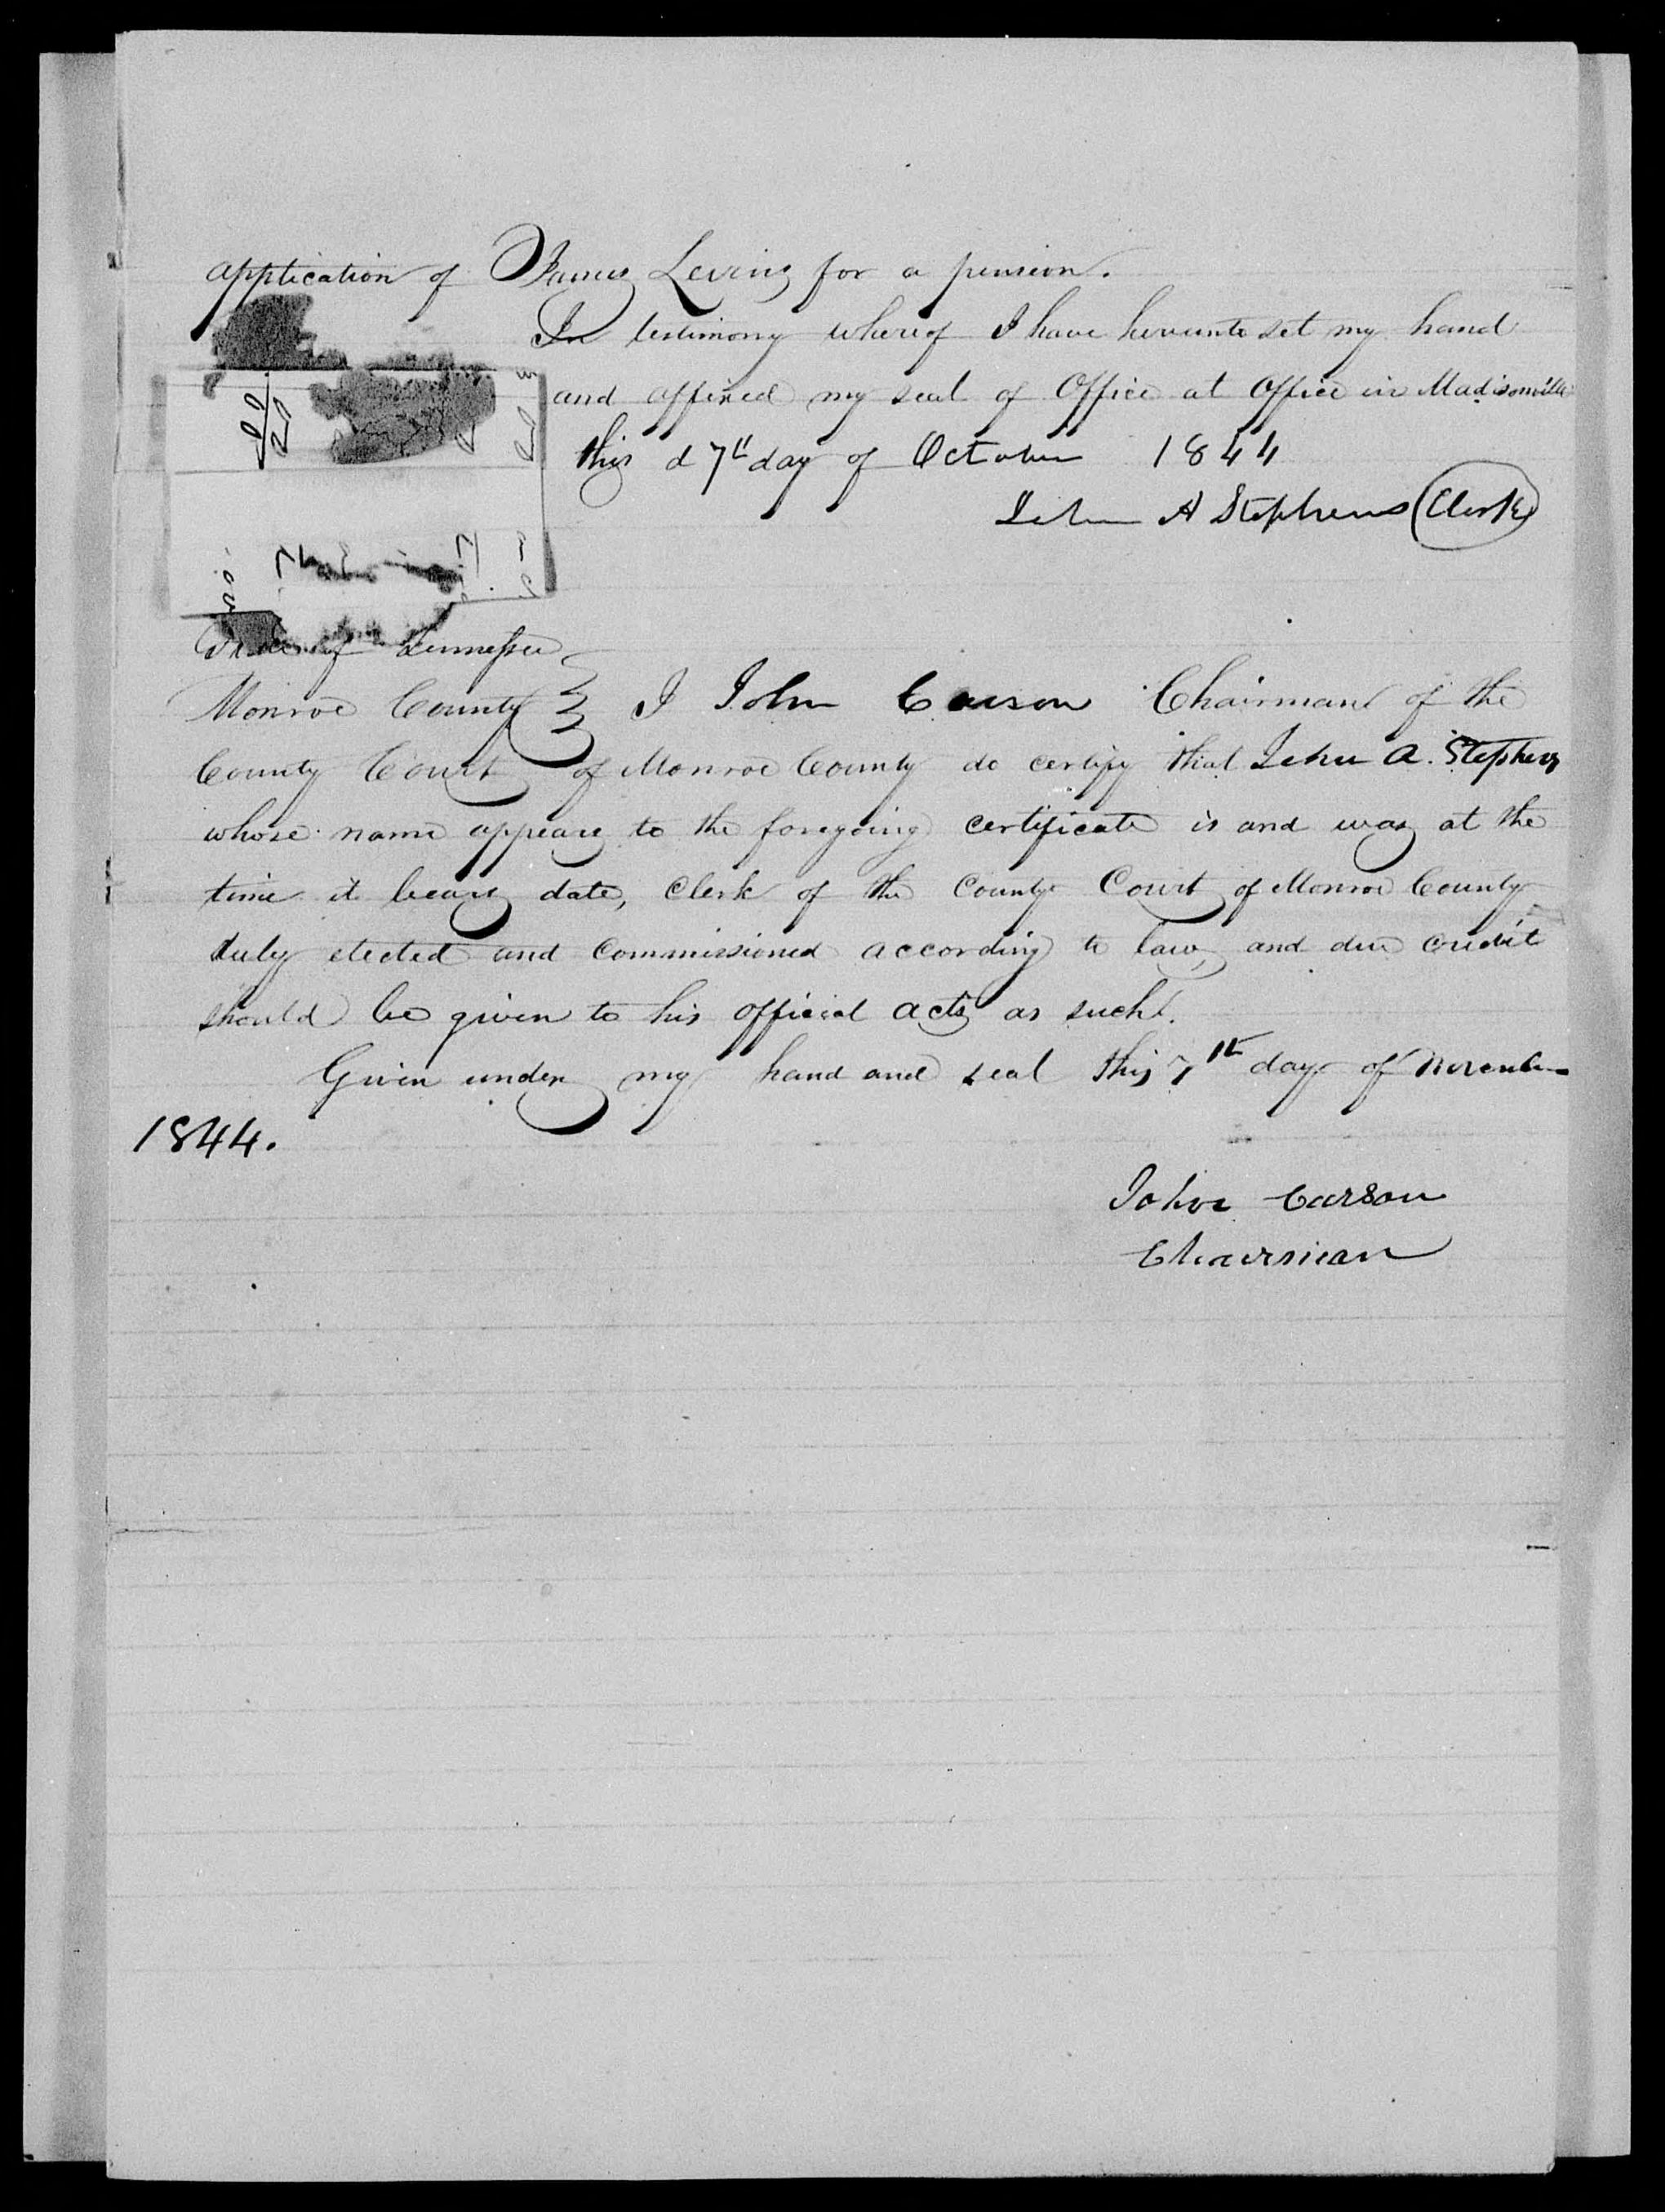application of James Levins for a pension.
     In testimony whereof I have hereunto set my hand and affixed my seal of Office at Office in Madisonville this 7th day of October 1844
    John A. Stephens Clerk

State of Tennessee
Monroe County
I John Carson Chairman of the County Courts of Monroe County do certify that John A Stephens whose name appears to the foregoing certificate is and was at the time it bears date, clerk of the County Court of Monroe County duly elected and commissioned according to laws and due credit should be given to his official acts as such.
     Given under my hand and seal this 7th day of November 1844.
John Carson 
Chairman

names: John A Stephens; James Levins; John Carson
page: 7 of 10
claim: rejected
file: R. 7,607, for James Levins, Georgia